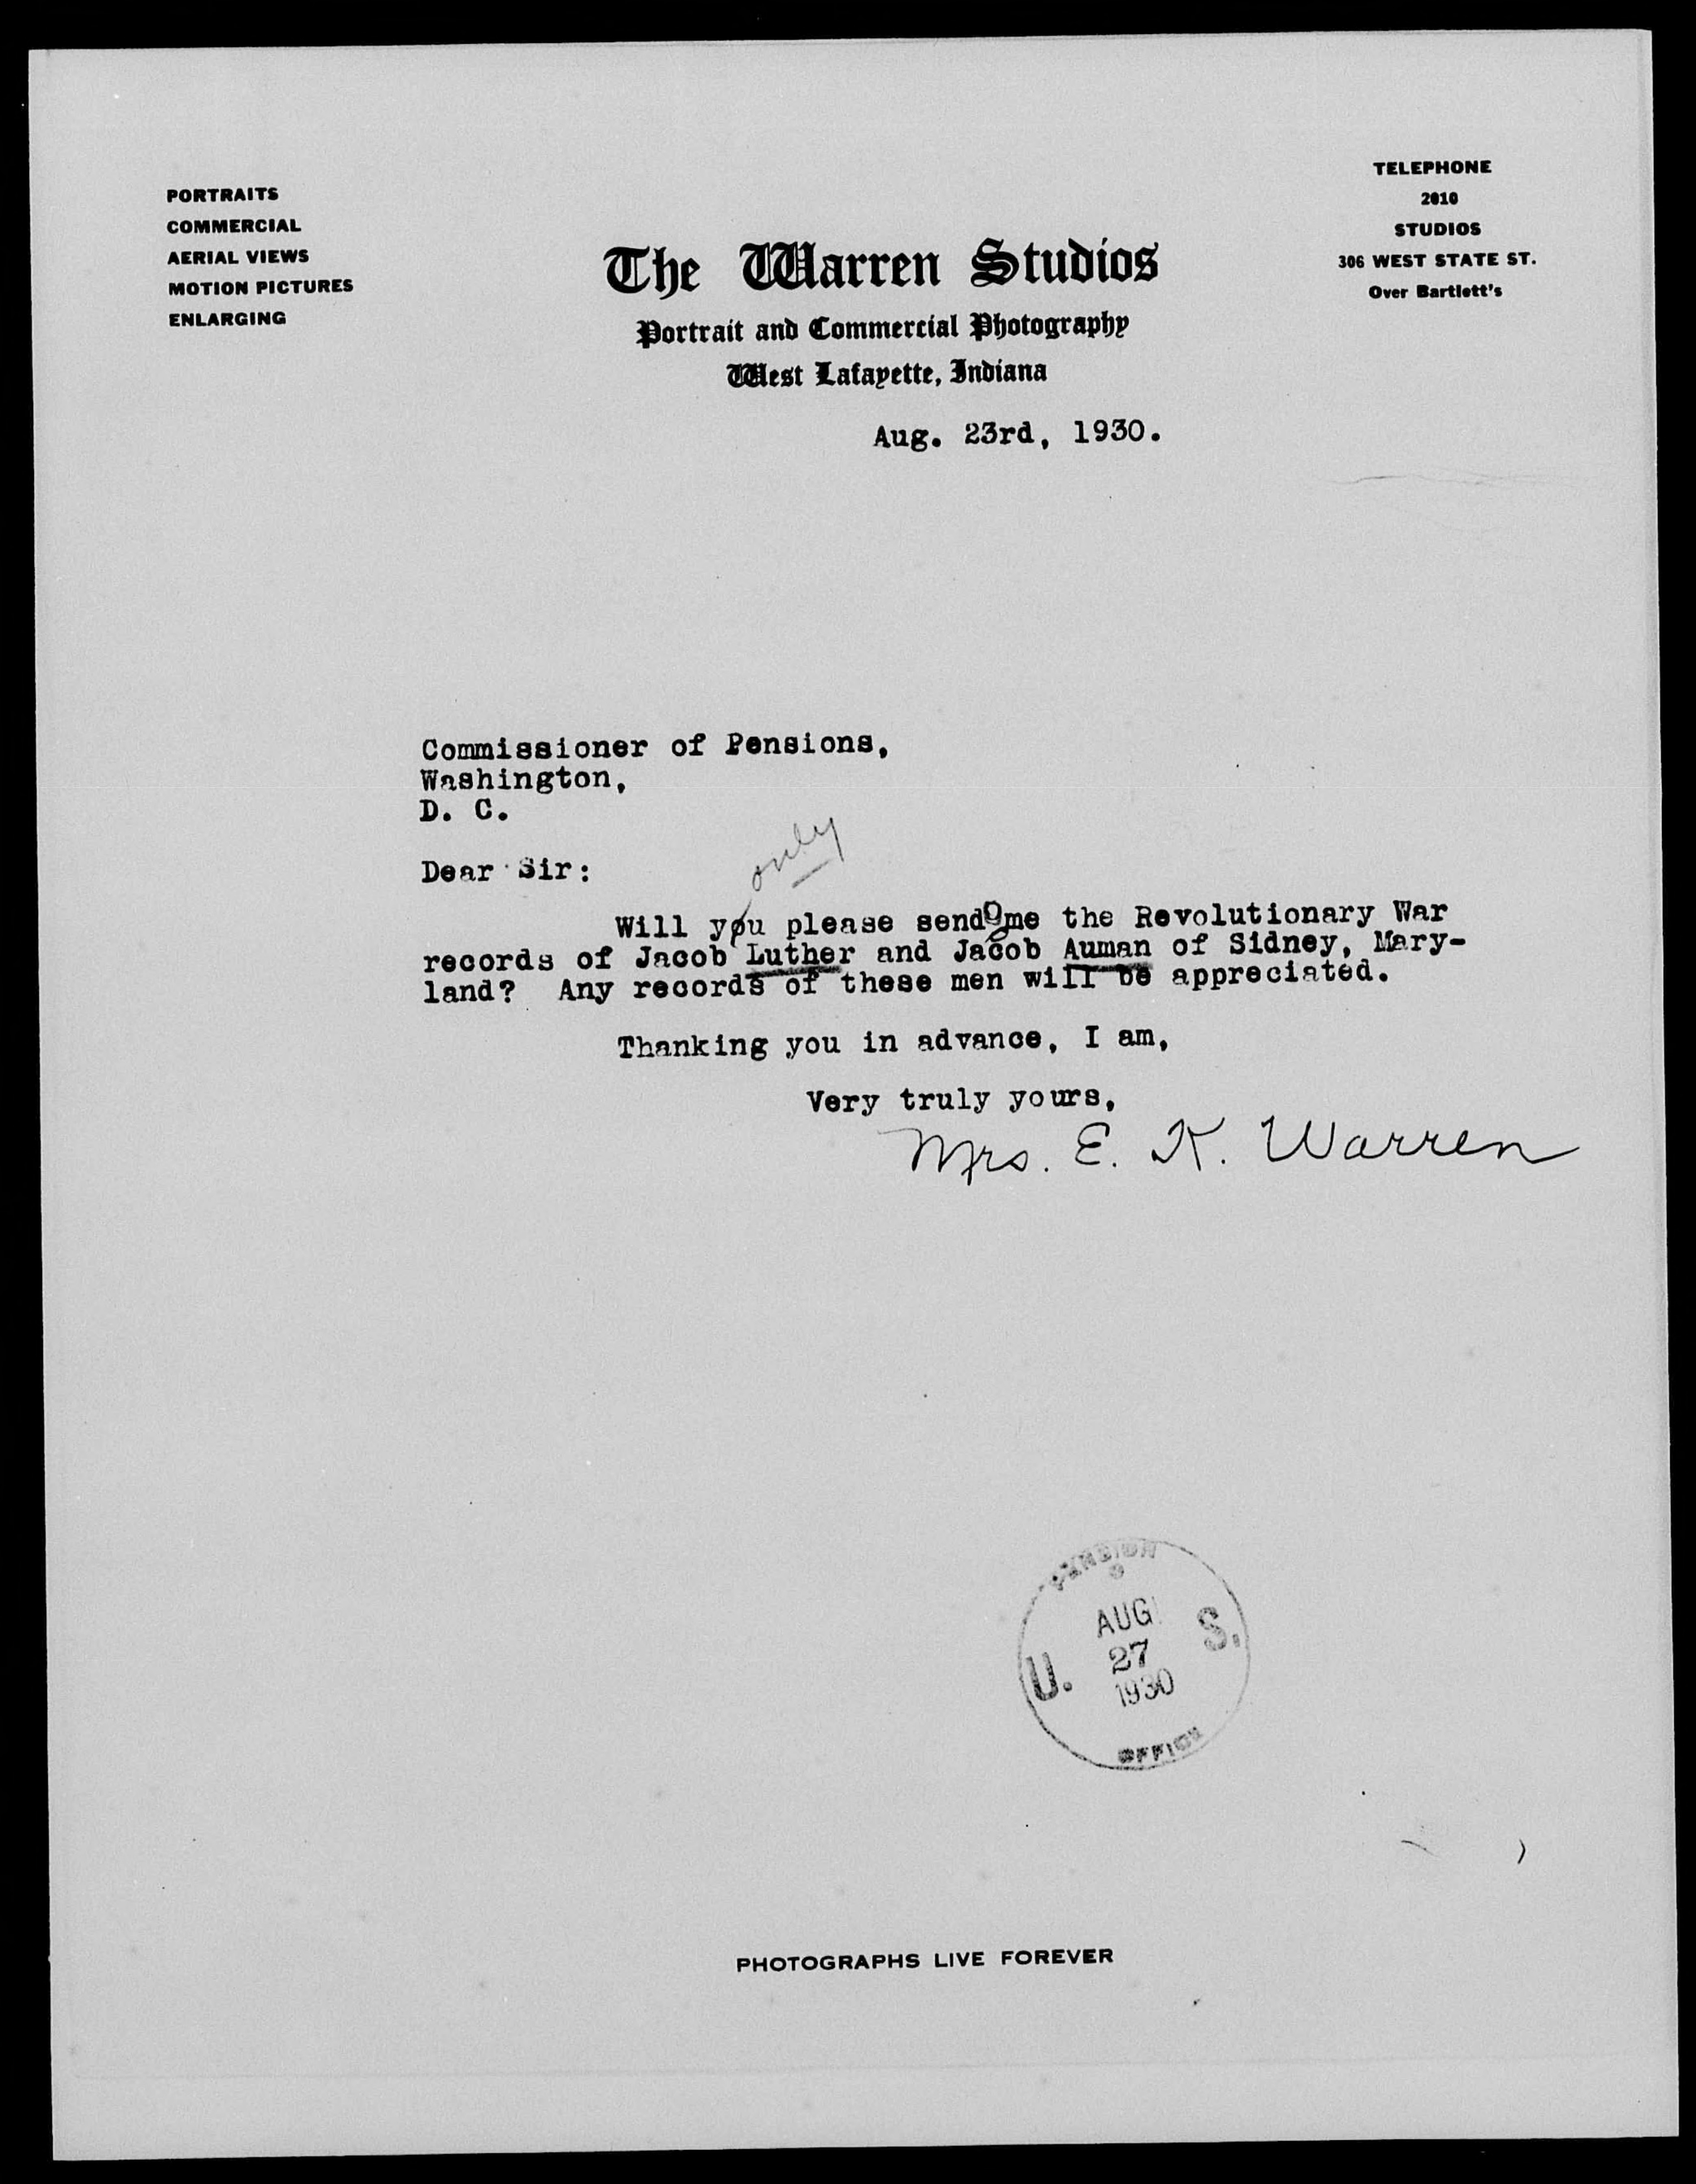LETTERHEAD 

The Warren Studios
Portrait and Commercial Photography
West Lafayette, Indiana

Aug 23rd 1930

Commissioner of Pensions
Washington, 
D.C.

Dear Sir

Will you please send me the Revolutionary War records of Jacob Luther and Jacob Auman of Signey, Maryland? Any records of these men will be appreiciated.

Thanking you in advance, I am, 

Very truly yours,

Mrs. E.K. Warren

US PENSIN OFFICE STAMP - Aug 27, 1930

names: E K Warren; Jacob Auman; Jacob Luther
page: 16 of 23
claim: rejected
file: R. 6533, for Jacob Luther, Maryland